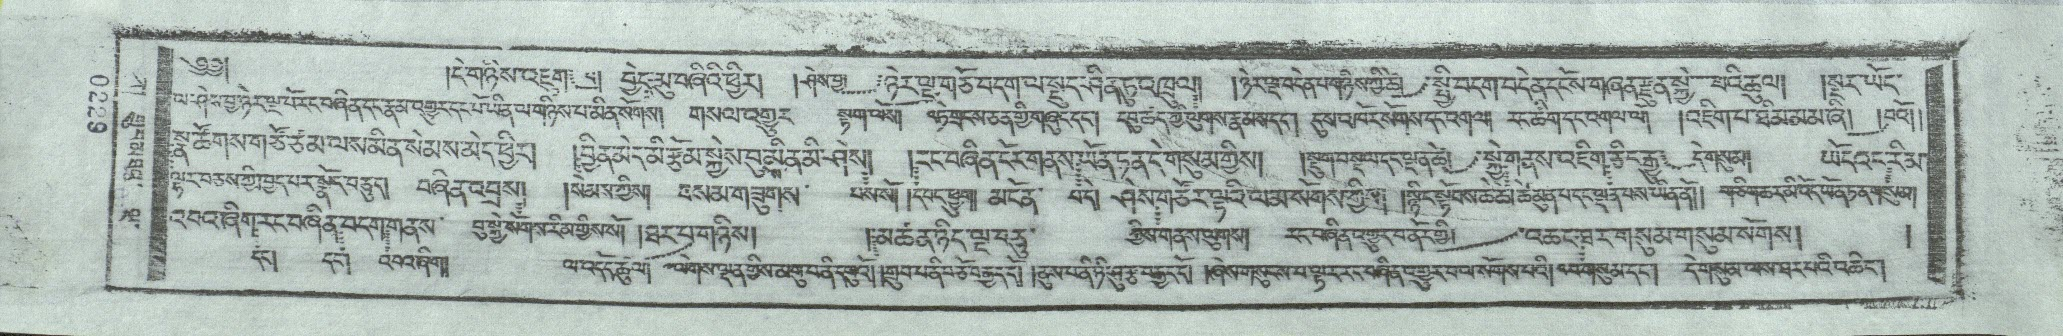༄༅། །དེ་གཉིས་འཇུག་པ། བྱེད་མུ་བཞིའི་ཕྱིར། །ཤེས་བྱ། ཉེར་ལྔ་གཅོ་བདག་ལ་སྡུད་ཤིན་ཏུ་འཁྲུལ། །ཉེར་ལྔ་བདེན་པ་གཉིས་ཀྱི་ཚེ། །སྤྱི་བདག་བདེན་དངོས་གཞན་རྫུན་སྐྱེ་བའི་ཆུལ། །སྔར་ཡོད་
ལ་ཤེས་བྱ་ཉེར་ལྔ་པོ་རང་བཞིན་དང་རྣམ་འགྱུར་དང་པོ་ཡིན་ལ་གཉིས་པ་མིན་སོགས། གསལ་འགྱུར་སྟག་ལོས། ཏེ་གྲངས་ཅན་གྱི་གཞུང་དང་། དབུ་ཚད་ཀྱི་ལུགས་རྣམས་དང་། དུས་འཁོར་སོགས་དང་འགལ། རང་ཚིག་དང་བགལ་ལོ། །འཇིག་པ་ཐིམ་མམ་ཞི། །བའོ་
སྣ་ཚོགས་གཙོ་ཙམ་ལས་མིན་སེམས་མེད་ཕྱིར། །བྱིན་མེད་མི་རྩོམ་སྐྱེས་བུས་མིན་མི་ཤེས། །རང་བཞིན་ངོར་གནས་ཡོན་ཏན་དེ་གསུམ་གྱིས། །སྡུག་བསྔལ་དང་ལྡན་ཚེ། སྐྱེ་གནས་འཇིག་ཅིང་རྒྱུ། དེ་གསུམ། ཡོད་འང་རིམ་
ལྟར་བཅས་ཀྱི་ཁྱད་པར་སྣོད་བཅུད། བཞིན་འབྲས། །སེམས་ཀྱིས། བསམ་གཟུགས་པས་སོ། དབང་ཕྱུག། མངོན་བདེ། ཤེས་གཙོར་ལྟའི་ལམ་སོགས་ཀྱིས། །སྙིང་སྟོབས་ཆེ་ཚ། ཚེ་མུན་པ་དང་ལྡན་པས་ཡིན་ནོ། །གཅིག་ཆར་མི་བོད་ཡོན་ཏན་གསུམ།
འབའ་ཞིག་རང་བཞིན་བདག་གནས་བུ་སྐྱེ་སོགས་རིམ་གྱིས་སོ། །ཐར་པ་གཉིས། །མཚན་ཉིད་ལྔ་བཅུ་ཀྱིས་གནས་ལུགས། རང་བཞིན་འགྱུར་བ་ནོར་ཀྱི། འཆང་ཐར་གསུམ་གསུམ་སོགས། །
དང་། དང་། འབའ་བཞིག །ལ་འདོད་ཚུལ། ལེགས?་ལྡན་གྱིས་མགུ་བ་ནི་དགུའོ། །གྲུབ་པ་ནི་བཅོ་བརྒྱད་དོ། །ནུས་པ་ནི་ཉི་ཤུ་རྩ་བརྒྱད་དོ། །ཞེས་གསུངས་བ་ལྟར་རང་བཞིན་འགྱུར་པ་ལ་སོགས་པའི། བ་གསུམ་དང་། དེ་གསུམ་ལས་ཐར་པའི་འཆིད?།